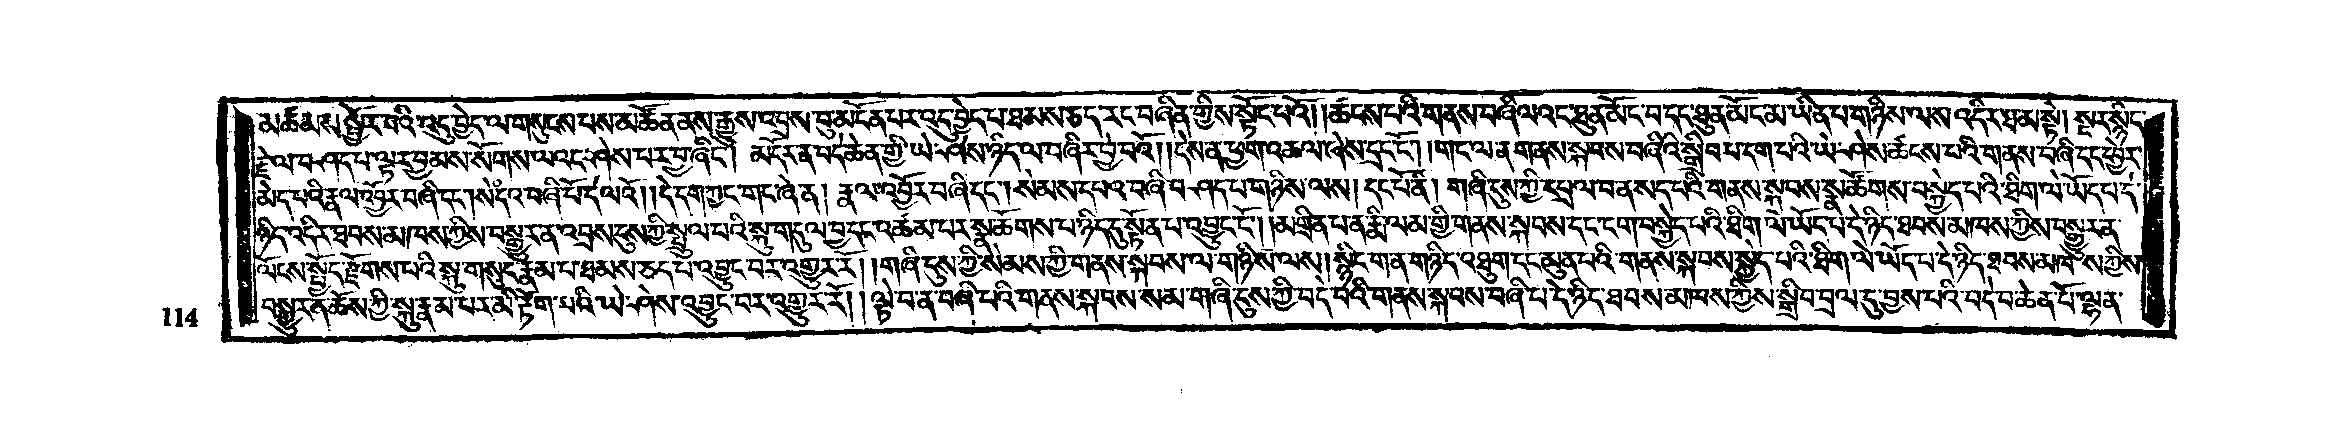མཚམས་སྦྱོར་བའི་འདུ་བྱེད་ལ་གསུངས་པས་མཚོན་ནས་རྒྱུས་འབྲས་བུ་མངོན་པར་འདུ་བྱེད་པ་ཐམས་ཅད་རང་བཞིན་གྱིས་སྟོང་པའོ། །ཚངས་པའི་གནས་བཞི་ལའང་ཐུན་མོང་བ་དང་ཐུན་མོང་མ་ཡིན་པ་གཉིས་ལས་འདིར་ཐ་མ་སྟེ། སྔར་སྙིང་
རྗེ་ལ་བཤད་པ་ལྟར་བྱམས་སོགས་ལའང་ཤེས་པར་བྱ་ཞིང་། མདོར་ན་བདེ་ཆེན་གྱི་ཡེ་ཤེས་ཉིད་ལ་བཞིར་ཕྱེ་བའོ། །དེས་ན་ཕྱག་འཚལ་ཞེས་དྲང་ངོ། །གང་ལ་ན་གནས་སྐབས་བཞིའི་སྒྲིབ་པ་དག་པའི་ཡེ་ཤེས་ཚངས་པའི་གནས་བཞི་དང་དབྱེར་
མེད་པའི་རྣལ་འབྱོར་བཞི་དང་། སེམས་དཔའ་བཞི་པོ་དེ་ལའོ། །དེ་དག་ཀྱང་གང་ཞེ་ན། རྣལ་འབྱོར་བཞི་དང་། སེམས་དཔའ་བཞི་བཤད་པ་གཉིས་ལས། དང་པོ་ནི། གཞི་དུས་ཀྱི་དཔྲལ་བ་ན་སད་པའི་གནས་སྐབས་སྣ་ཚོགས་བསྐྱེད་པའི་ཐིག་ལེ་ཡོད་པ་དེ་
ཉིད་འདིར་ཐབས་མཁས་ཀྱིས་བསྒྱུར་ན་འབྲས་དུས་ཀྱི་སྤྲུལ་པའི་སྐུ་གདུལ་བྱ་དང་འཚམ་པར་སྣ་ཚོགས་པ་ཉིད་དུ་སྟོན་པ་འབྱུང་ངོ། །མགྲིན་པ་ན་རྨི་ལམ་གྱི་གནས་སྐབས་དང་ངག་བསྐྱེད་པའི་ཐིག་ལེ་ཡོད་པ་དེ་ཉིད་ཐབས་མཁས་ཀྱིས་བསྒྱུར་ན་
ལོངས་སྤྱོད་རྫོགས་པའི་སྐུ་གསུང་རྣམ་པ་ཐམས་ཅད་པ་འབྱུང་བར་འགྱུར་རོ། །གཞི་དུས་ཀྱི་སེམས་ཀྱི་གནས་སྐབས་ལ་གཉིས་ལས། སྙིང་ག་ན་གཉིད་འཐུག་དང་མུན་པའི་གནས་སྐབས་སྐྱེད་པའི་ཐིག་ལེ་ཡོད་པ་དེ་ཉིད་ཐབས་མཁས་ཀྱིས་
བསྒྱུར་ན་ཆོས་ཀྱི་སྐུ་རྣམ་པར་མི་རྟོག་པའི་ཡེ་ཤེས་འབྱུང་བར་འགྱུར་རོ། །ལྟེ་བ་ན་བཞི་པའི་གནས་སྐབས་སམ་གཞི་དུས་ཀྱི་བདེ་བའི་གནས་སྐབས་བཞི་པ་དེ་ཉིད་ཐབས་མཁས་ཀྱིས་སྒྲིབ་བྲལ་དུ་བྱས་པའི་བདེ་བ་ཆེན་པོ་ལྷན་